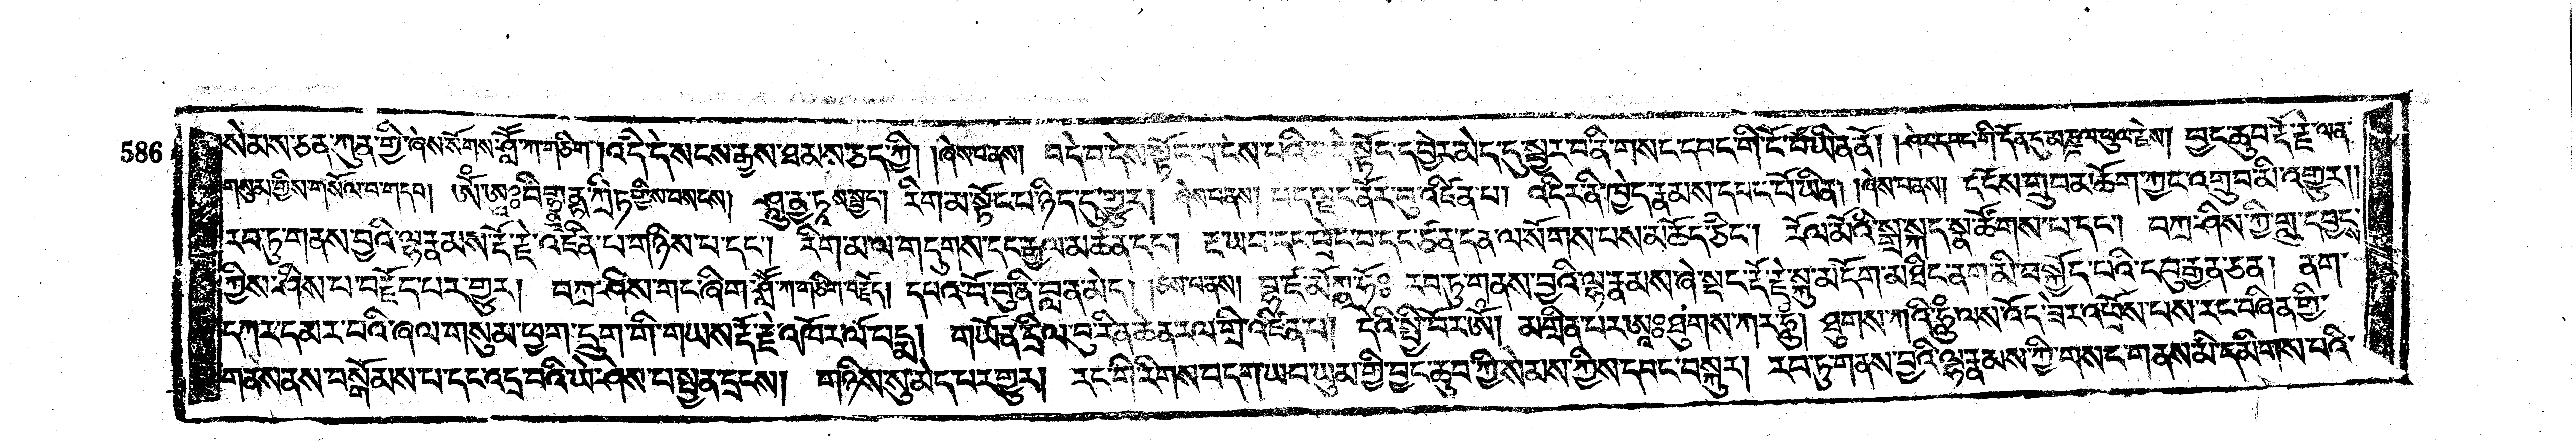སེམས་ཅན་ཀུན་གྱི་ཞེས་སོགས་ཤླཽ་ཀ་གཅིག་འདི་དེ་སངས་རྒྱས་ཐམས་ཅད་ཀྱི། །ཞེས་པ་ནས།  བདེ་བ་དེས་སྟོང་པ་ངེས་པའི་བདེ་སྟོང་དབྱེར་མེད་དུ་སྦྱར་བ་ནི་གསང་དབང་གི་ངོ་བོ་ཡིན་ནོ། །ཤེས་དབང་གི་དོན་དུ་མཎྜལ་ཕུལ་རྗེས།  བྱང་ཆུབ་རྡོ་རྗེ་ལན་
གསུམ་གྱིས་གསོལ་བ་གདབ། ཨོཾ་ཨཱཿབིགྷྣཱནྟ་ཀྲིཏ་ཀྱིས་བསངས།  ཤཱུ་ནྱ་ཏཱས་སྦྱང་།  རིག་མ་སྟོང་པ་ཉིད་དུ་གྱུར། ཞེས་པ་ནས།  པད་ལྗང་ནོར་བུ་འཛིན་པ། འདིར་ནི་ཁྱེད་རྣམས་དབང་པོ་ཡིན། །ཞེས་པ་ནས།  དངོས་གྲུབ་མཆོག་ཀྱང་འགྲུབ་མི་འགྱུར།།
རབ་ཏུ་གནས་བྱའི་ལྷ་རྣམས་རྡོ་རྗེ་འཛིན་པ་གཉིས་པ་དང་། རིག་མ་ལ་གདུགས་དང་རྒྱལ་མཚན་དང་། རྔ་ཡབ་དང་ཕྲེང་བ་དང་ཙན་དན་ལ་སོགས་པས་མཆོད་ཅིང་། རོལ་མོའི་སྒྲ་སྐད་སྣ་ཚོགས་པ་དང་། བཀྲ་ཤིས་ཀྱི་གླུ་དབྱངས་
ཀྱིས་ཤིས་པ་བརྗོད་པར་གྱུར། བཀྲ་ཤིས་གང་ཞིག་ཤླཽ་ཀ་གཅིག་བརྗོད།  དཔའ་བོ་བུ་ནི་བླ་ན་མེད། །ཅེས་པ་ནས།  བྷ་ཛ་མོཀྵྲ་ཧོཿ རབ་ཏུ་གནས་བྱའི་ལྷ་རྣམས་ཞེ་སྡང་རྡོ་རྗེ་སྐུ་མདོག་མཐིང་ནག་མི་བསྐྱོད་པའི་དབུ་རྒྱན་ཅན། ནག་
དཀར་དམར་བའི་ཞལ་གསུམ་ཕྱག་དྲུག་གི་གཡས་རྡོ་རྗེ་འཁོར་ལོ་པདམ། གཡོན་དྲིལ་བུ་རིན་ཆེན་རལ་གྲི་འཛིན་པ། དེའི་སྤྱི་བོར་ཨོཾ། མགྲིན་པར་ཨཱཿཐུགས་ཀར་ཧཱུཾ། ཐུགས་ཀའི་ཧཱུཾ་ལས་འོད་ཟེར་འཕྲོས་པས་རང་བཞིན་གྱི་
གནས་ནས་བསྒོམས་པ་དང་འདྲ་བའི་ཡེ་ཤེས་པ་སྤྱན་དྲངས། གཉིས་སུ་མེད་པར་གྱུར། རང་གི་རིགས་བདག་ཡབ་ཡུམ་གྱི་བྱང་ཆུབ་ཀྱི་སྱྶེམས་ཀྱིས་དབང་བསྐུར། རབ་ཏུ་གནས་བྱའི་ལྷ་རྣམས་གསང་གནས་མི་དམིགས་པའི་